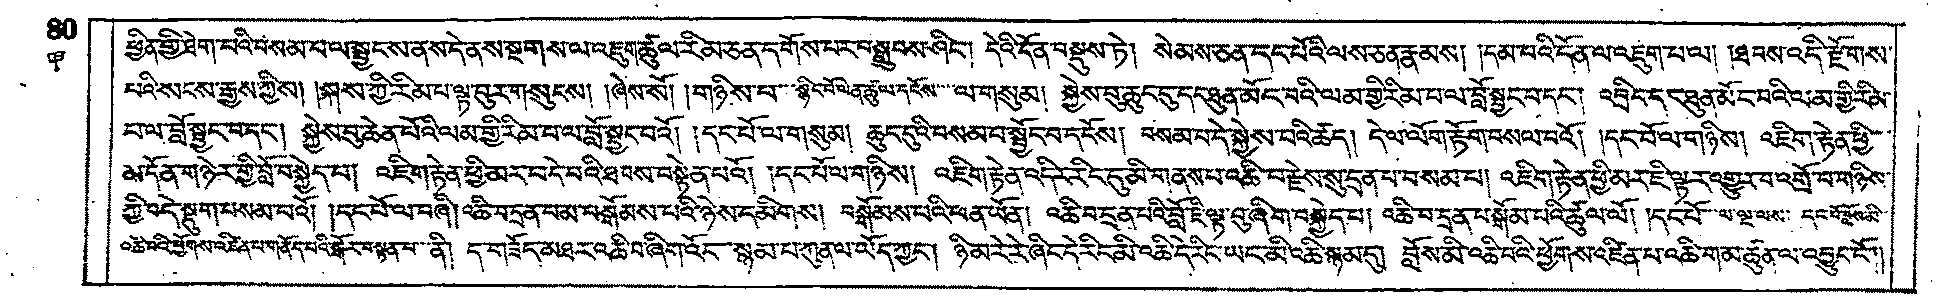ཕྱིན་གྱི་ཐེག་པའི་བསམ་པ་ལ་སྦྱངས་ནས་དེ་ནས་སྔགས་ལ་འཇུག་ཚུལ་རིམ་ཅན་དགོས་པར་བསྒྲུབས་ཤིང་། དེའི་དོན་བསྡུས་ཏེ། སེམས་ཅན་དང་པོའི་ལས་ཅན་རྣམས། །དམ་པའི་དོན་ལ་འཇུག་པ་ལ། །ཐབས་འདི་རྫོགས་
པའི་སངས་རྒྱས་ཀྱིས། །སྐས་ཀྱི་རིམ་པ་ལྟ་བུར་གསུངས། །ཞེས་སོ། །གཉིས་པསྙིང་པོ་ལེན་ཚུལ་དངོསལ་གསུམ། སྐྱེས་བུ་ཆུང་དུ་དང་ཐུན་མོང་བའི་ལམ་གྱི་རིམ་པ་ལ་བློ་སྦྱང་བ་དང་། འབྲིང་དང་ཐུན་མོང་བའི་ལམ་གྱི་རིམ་
པ་ལ་བློ་སྦྱང་བ་དང་། སྐྱེས་བུ་ཆེན་པོའི་ལམ་གྱི་རིམ་པ་ལ་བློ་སྦྱང་བའོ། །དང་པོ་ལ་གསུམ། ཆུང་ངུའི་བསམ་པ་སྦྱོང་བ་དངོས། བསམ་པ་དེ་སྐྱེས་པའི་ཚད། དེ་ལ་ལོག་རྟོག་བསལ་བའོ། །དང་པོ་ལ་གཉིས། འཇིག་རྟེན་ཕྱི་
མ་དོན་གཉེར་གྱི་བློ་བསྐྱེད་པ། འཇིག་རྟེན་ཕྱི་མར་བདེ་བའི་ཐ་བས་བསྟེན་པའོ། །དང་པོ་ལ་གཉིས། འཇིག་རྟེན་འདིར་རིང་དུ་མི་གནས་པ་འཆི་བ་རྗེས་སུ་དྲན་པ་བསམ་པ། འཇིག་རྟེན་ཕྱི་མར་ཇི་ལྟར་འགྱུར་བ་འགྲོ་བ་གཉིས་
ཀྱི་བདེ་སྡུག་བསམ་པའོ། །དང་པོ་ལ་བཞི། འཆི་བ་དྲན་པ་མ་བསྒོམས་པའི་ཉེས་དམིགས། བསྒོམས་པའི་ཕན་ཡོན། འཆི་བ་དྲན་པའི་བློ་ཇི་ལྟ་བུ་ཞིག་བསྐྱེད་པ། འཆི་བ་དྲན་པ་སྒོམ་པའི་ཚུལ་ལོ། །དང་པོལ་ལྔ་ལས། དང་པོ་བློས་མི་
འཆི་བའི་ཕྱོགས་འཛིན་པ་གནོད་པའི་སྒོར་བསྟན་པ་ནི། ད་གཟོད་མཐར་འཆི་བ་ཞིག་འོངྶྙམ་པ་ཀུན་ལ་ཡོད་ཀྱང་། ཉི་མ་རེ་རེ་ཞིང་དེ་རིང་མི་འཆི་དེ་རིང་ཡང་མི་འཆི་སྙམ་དུ། བློས་མི་འཆི་བའི་ཕྱོགས་འཛིན་པ་འཆི་ག་མ་ཚུན་ལ་འབྱུང་ངོ།།